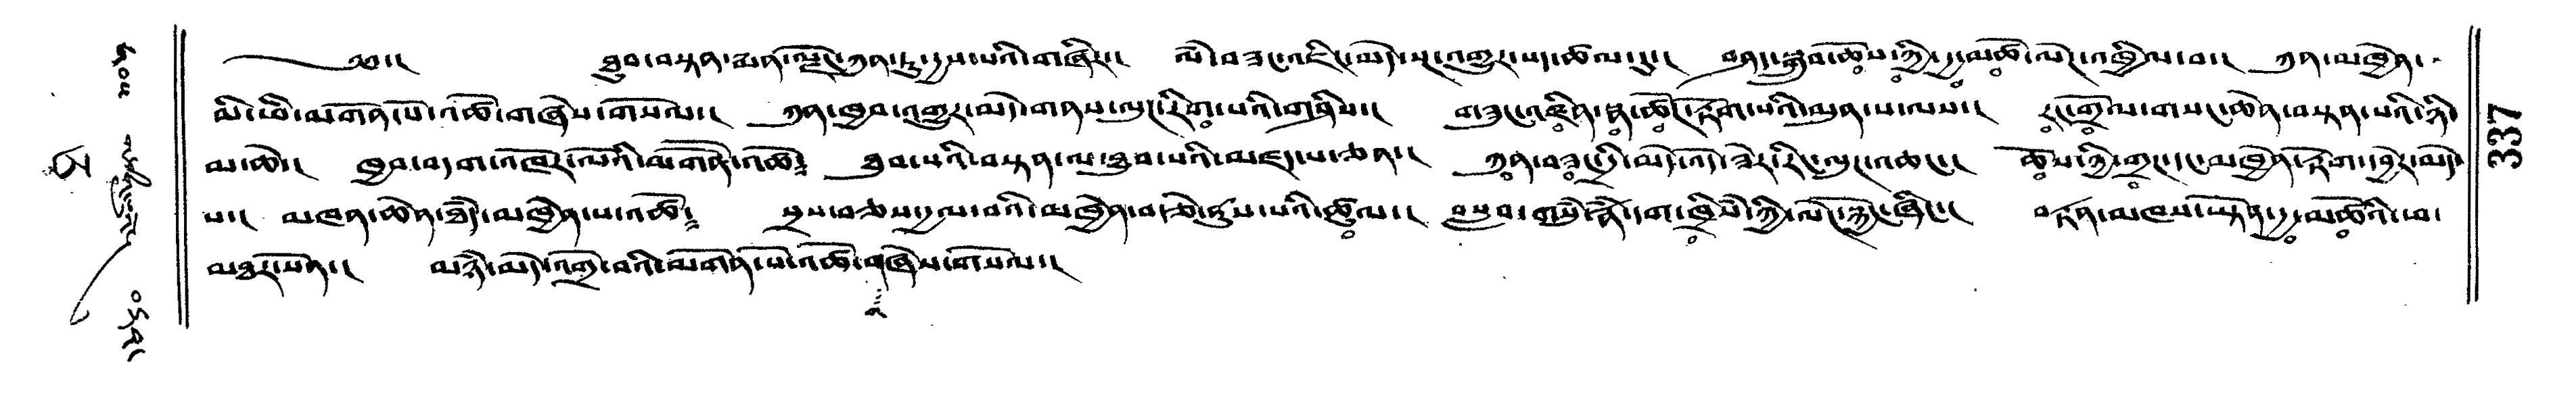༄༅། ཐུབ་བསྟན་སྨན་ལྗོངས་ཀུན་ཏུ་རྒྱས་པའི་གཞིར། །ལམ་བཟང་འཇིགས་མེད་སྔ་འགྱུར་པད་ཚལ་དུ། །བཤད་སྒྲུབ་ཆོས་ཀྱི་རྒྱ་མཚོ་ལེགས་བསྐྱིལ་བ། །ཀུན་མཁྱེན་
མི་ཕམ་མགོན་པོ་འཚོ་གཞེས་གསོལ། །ཀུན་ཁྱབ་འགྱུར་མེད་གནས་ལུགས་རིག་པའི་གཤིས། །གཟུང་འཛིན་སྣ་ཚོགས་རྟོག་པའི་མུན་པ་ལས། རང་གྲོལ་གསང་ཆེན་བསྟན་པའི་ཉི་
མ་ཆེ། ཁྱབ་བདག་འཁོར་ལོའི་མགོན་པོ་འཚོ་གཞེས་གསོལ། །ཐུབ་པའི་བསྟན་ལ་ཐུབ་པའི་མཛད་པ་ཅན། །ཀུན་བཟང་དྲི་མེད་འོད་ཟེར་རིང་ལུགས་འཆང་། །ཆོས་ཀྱི་གྲགས་དང་མཁྱེན་རྟོགས་དབྱེར་མེད་
པ། །མཁན་ཆེན་ཐམས་ཅད་མཁྱེན་པ་འཚོ་གཞེས་གསོལ། །སྲས་བཅས་རྒྱལ་བའི་མཁྱེན་བརྩེ་ནུས་པའི་ཚུལ། །བསླབ་གསུམ་རྣམ་དག་ཁྲིམས་ཀྱིས་ལེགས་སྐྱོང་ཞིང་། །སྟོན་མཁས་ཡོན་ཏན་རྒྱ་མཚོའི་ཕ་
མཐར་སོན། །མཉམ་མེད་འགྲོ་བའི་མགོན་པོ་འཚོ་གཞེས་གསོལ།། དགེའོ།།